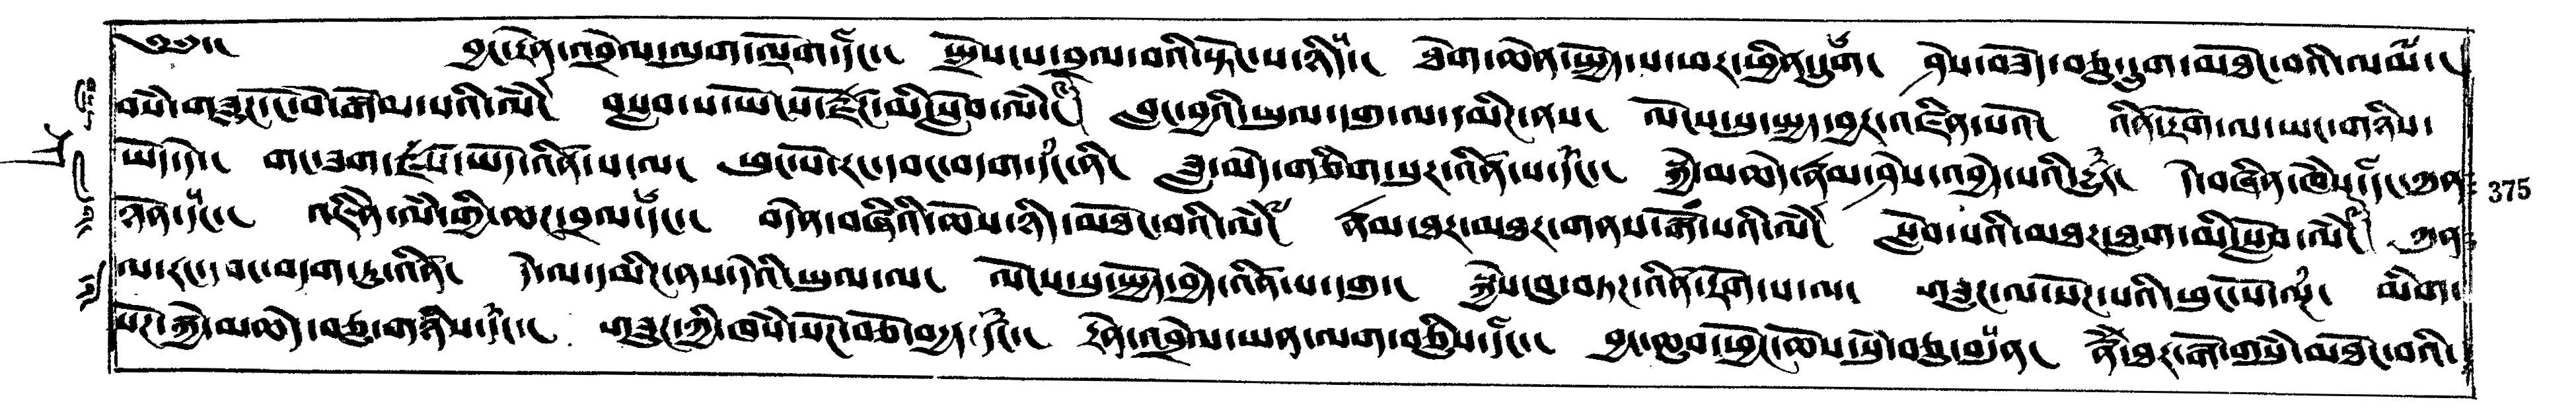བྱང་རྟེན་འབྲེལ་ལུགས་ལྡོག་དང་། །སྤྲོས་པ་བྲལ་བའི་སྟོང་པ་ཉིད། །ཐེག་ཆེན་སྤྱོད་པ་ཕར་ཕྱིན་དྲུག །ཤེས་བཟོད་བཅུ་དྲུག་མཐོང་བའི་ལམ། །
བསམ་གཟུགས་ངོ་བོ་སྒོམ་པའི་ལམ། །བསླབ་པ་ཡོངས་རྫོགས་མི་སློབ་ལམ། །བླང་བྱའི་ཡུལ་དགུ་ལ་དམིགས་ནས། །ལོངས་སུ་སྤྱད་བྱར་འཛིན་པའོ། །འཛིན་རྟོག་ལ་ཡང་གཉིས་
ཡོད་དེ། །གང་ཟག་རྫས་ཡོད་འཛིན་པ་ལ། །ཕུང་པོ་རང་དབང་བདག་དང་ནི། །ཟླ་མེད་གཅིག་པུར་འཛིན་པ་དང་། །སྐྱེ་མཆེད་རྣམ་ཤེས་འབྱེད་པའི་རྒྱུར། །དེ་བཞིན་ཁམས་དང་ཀུན་
ཉོན་དང་། །འཇིག་རྟེན་ལམ་གྱི་ཆགས་བྲལ་དང་། །བདེན་བཞིའི་ཆོས་ཉིད་མཐོང་བའི་ལམ། །རྣམ་ཐར་མཐར་གནས་སྒོམ་པའི་ལམ། །སློབ་པའི་མཐར་ཐུག་མི་སློབ་ལམ། །ཀུན་
ལ་རང་དབང་བདག་ཏུ་འཛིན། །དེ་ལ་དམིགས་ནས་དེའི་ཡུལ་ལ། །ལོངས་སུ་སྤྱོད་བྱེད་འཛིན་པ་དགུ། །སྐྱེས་བུ་བཏགས་འཛིན་རྟོག་པ་ལ། །གཟུགས་ལ་སོགས་པའི་ཕུང་པོ་ལྔ། །མིག་
སོགས་སྐྱེ་མཆེད་བཅུ་གཉིས་དང་། །གཟུགས་ཀྱི་ཁམས་སོགས་བཅོ་བརྒྱད་དང་། །རྟེན་འབྲེལ་ཡན་ལག་བཅུ་གཉིས་དང་། །བྱང་ཆུབ་ཕྱོགས་ཆོས་སུམ་ཅུ་བདུན། །རྣམ་ཐར་སྒོ་གསུམ་མཐོང་བའི་